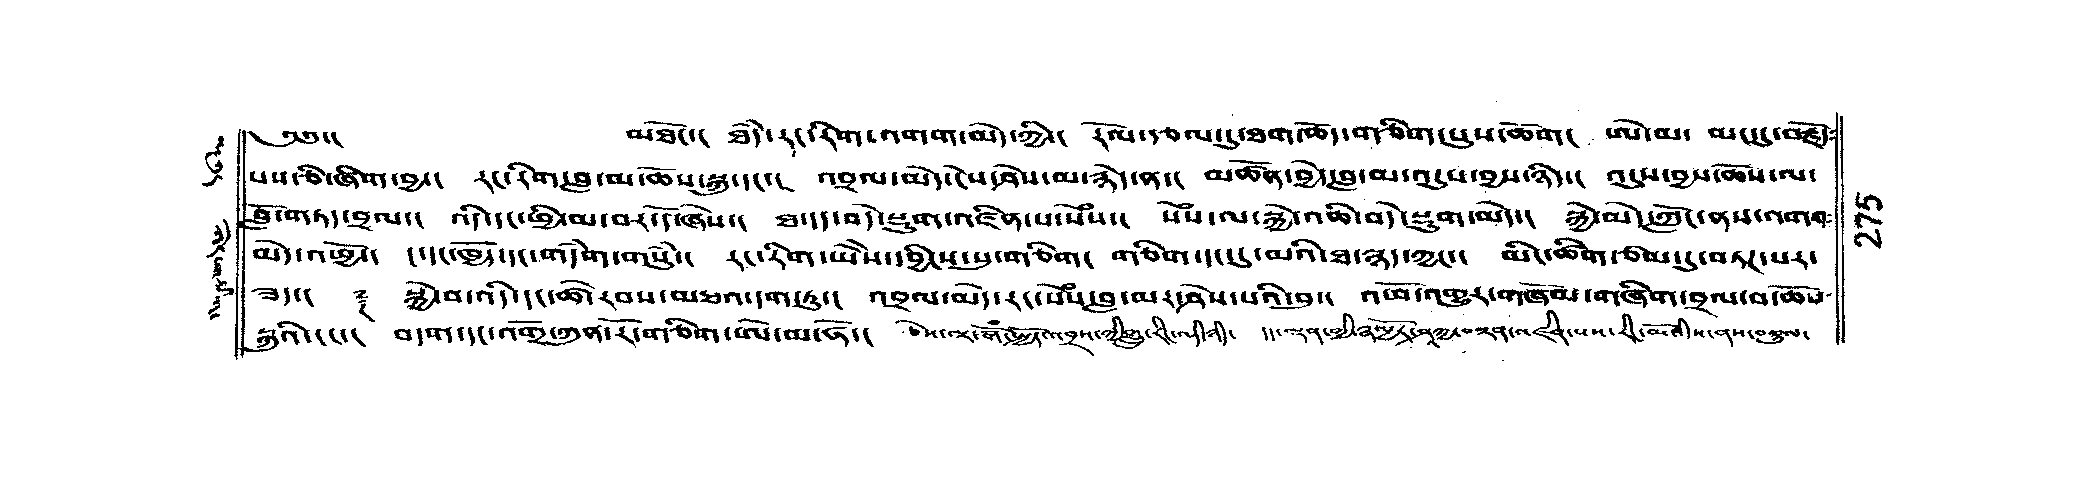མཐོང་། །ཐམས་ཅད་རང་རིག་འགགས་མེད་ཀྱི། །རོལ་རྩལ་དུ་ཐག་ཆོད་གཅིག་པུས་ཆོག། ཨེ་མ། མང་དུ་བརྗོད་
པས་ཅི་ཞིག་བྱ། །རང་རིག་བླ་མ་ཆོས་སྐུ་དང་། །འབྲལ་མེད་ངེས་ཤེས་མ་རྙེད་ན། །མཚོན་བྱེད་བླ་མ་འདུས་བྱས་ཉིད། །འདུས་བྱས་ཆོས་ལ་
བློ་གཏད་བྲལ། །འདི་དང་ཕྱི་མ་བར་དོ་ཞེས། །ཐ་དད་བདེ་སྡུག་འཛིན་པ་སེམས། །སེམས་ལ་སྐྱེ་འཆི་བདེ་སྡུག་མེད། །སྐྱེ་མེད་ཀློང་ནས་འགག་
མེད་འཕྱོ། ང་དང་ཁྱོད་དང་གདམས་ངག་གསུམ། །རང་རིག་ཡེ་ཤེས་དབྱིངས་སུ་གཅིག །གཅིག་དང་དུ་མའི་ཐ་སྙད་ཀྱང་། །མིང་ཚིག་ཙམ་དུ་བཏགས་པར་
ཟད། །སྐྱེ་བ་འདི་དང་ཚེ་རབས་མཐའ་དག་ཏུ། །འབྲལ་མེད་རང་སེམས་བླ་མར་ཤེས་པའི་བུ། །འཕོ་འགྱུར་གཞོམ་གཞིག་བྲལ་བ་ཆོས་
སྐུའི་ངང་། །བདག་དང་འགྲོ་ཀུན་རོ་གཅིག་ཨེ་མ་ཧོ།། ཞེས་ལྟ་སྒོམ་སྤྱོད་འབྲས་ཀྱི་གླུ་རིང་འདི་ཉིད། དད་ལྡན་གྱི་རྣལ་འབྱོར་ཤཱཀྱ་བསྟན་འཛིན་པས་རིང་མོའི་ས་ནས་བསྐུལ་